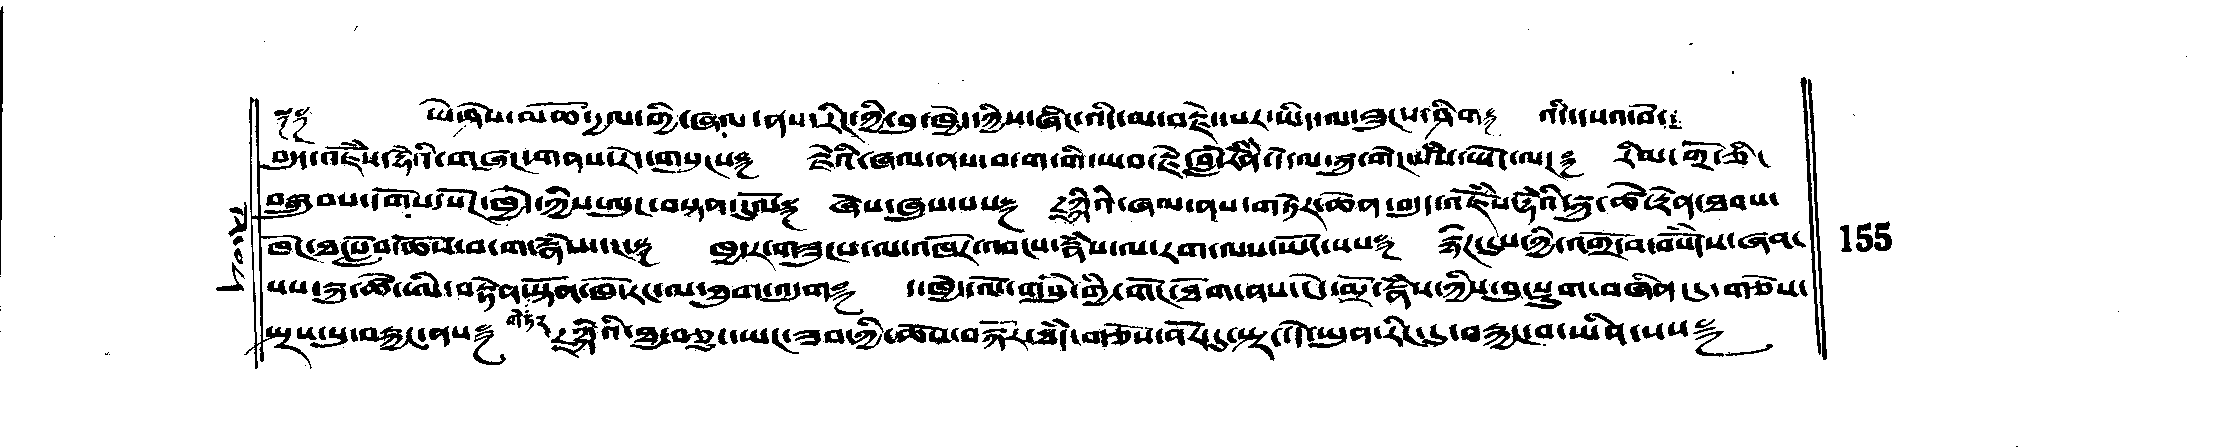ཡེ་ཤེས་མཚོ་རྒྱལ་གྱི་ཞལ་ནས་རིགས་ཀྱི་བུ་ཁྱོད་ཀྱི་ཞིང་འདི་མ་བརྗེད་པར་ཡིད་ལ་ཟུངས་ཤིག འདི་དཔའ་བོ་
བདུད་འཇོམས་རྡོ་རྗཻའི་གཞུགས་གནས་རེད་གསུངས། རྗེའི་ཞལ་ནས་བདག་གི་ཡབ་རྗེ་བླ་མ་རིན་པོ་ཆེ་དེ་ལ་སྐུ་གེགས་ཨི་ཡོད་ལགས། རིམ་གྲོ་ཅི་
བསྒྲུབ་དགོས་སོགས་ཁྱེད་ཀྱིས་ལུང་བསྟན་དུ་གསོལ། ཞེས་ཞུས་པས། ཌཱཀྐིའི་ཞལ་ནས་གཏེར་ཆེན་བདུད་འཇོམས་རྡོ་རྗེའི་སྐུ་ཚེ་རྟེན་ཐབས་
ཁོང་མཐའ་སློབ་ཆོས་བདག་རྣམས་དང་། ཁྱད་པར་གཟུངས་མ་འཁོར་འབངས་རྣམས་ལ་རག་ལས་ཡོད་པས།སྙིགས་དུས་ཀྱི་འགྲོ་བ་བསོད་ནམས་ཞན་
པས་སྐུ་ཚེ་ཨི་བརྟན་གཏེར་སྟོན་ཁོ་རང་ལ་ཐུག་འདུག 1$0000300ད་ཁྱེད་ལོ་གསུམ་གྱི་གོང་ཐོག་ནས་ངེད་མཁའ་འགྲོ་རྣམས་ཀྱིས་བུ་སྡུག་བཞིན་དུ་གཅེས་
སྤྲས་སུ་བསྐྱངས་ནས། ཌཱཀྐིའི་ཐུགས་བཅུད་ཡང་ཟབ་ཀྱི་ཆོས་སྐོར་ཐམས་ཅད་གཅེས་ནོར་དུ་སྤྲད་དེ་ཡུན་རིང་དུ་བསྐྱང་བ་ཡིན་པས།